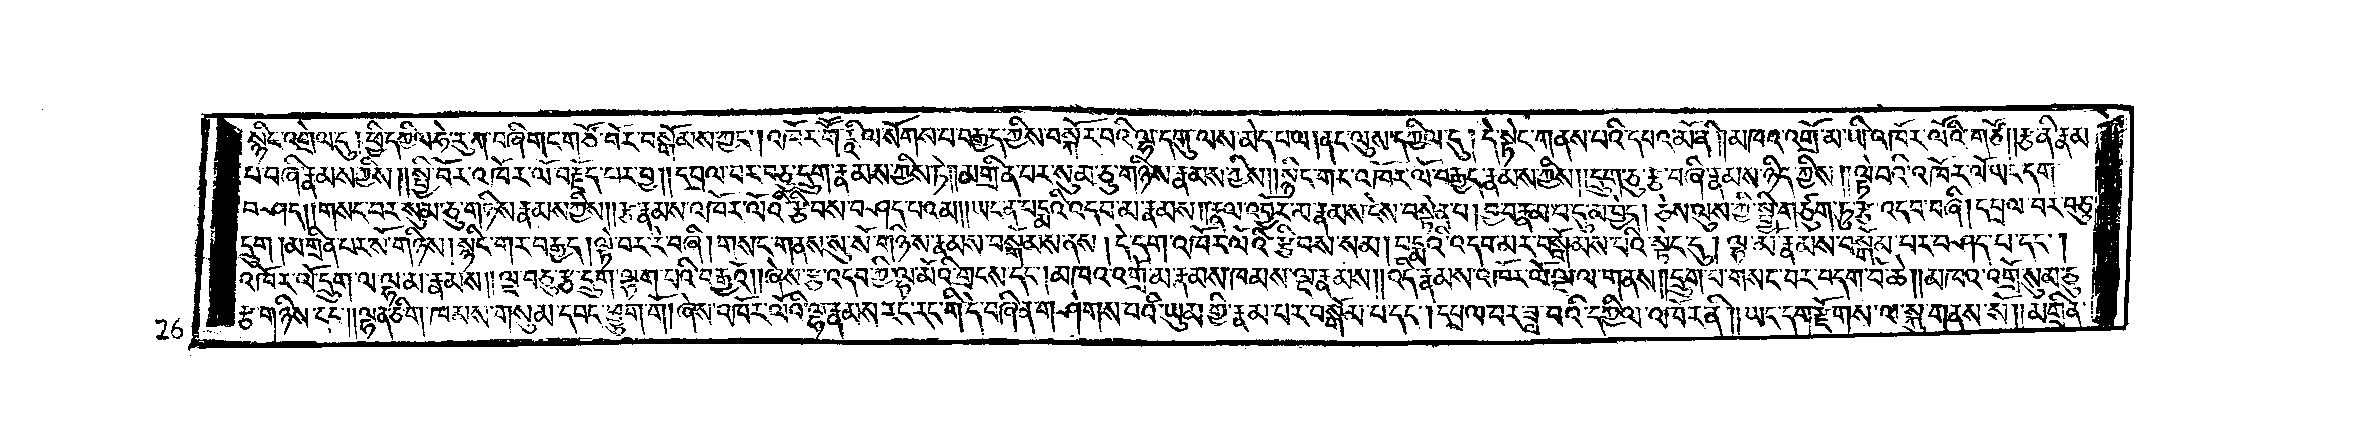སྙིང་འགྲེལ་དུ། ཕྱི་དཀྱིལ་ཧེ་རུ་ཀ་བཞི་གང་གཙོ་བོར་བསྒོམས་ཀྱང་། འཁོར་གཽ་རའི་ལ་སོགས་པ་བརྒྱད་ཀྱིས་བསྐོར་བའི་ལྷ་དགུ་ལས་མེད་པ་ལ། ནང་ལུས་དཀྱིལ་དུ། དེ་སྟེང་གནས་པའི་དཔའ་མོ་ནི། །མཁའ་འགྲོ་མ་ཡི་འཁོར་ལོའི་གཙོ། །རྩ་ནི་རྣམ་
པ་བཞི་རྣམས་ཀྱིས། །སྤྱི་བོར་འཁོར་ལོ་བརྗོད་པར་བྱ། །དཔྲལ་བར་བཅུ་དྲུག་རྣམས་ཀྱིས་ཏེ། །མགྲིན་པར་སུམ་ཅུ་གཉིས་རྣམས་ཀྱིས། །སྙིང་གར་འཁོར་ལོ་བརྒྱད་རྣམས་ཀྱིས། །དྲུག་ཅུ་རྩ་བཞི་རྣམས་ཉིད་ཀྱིས། །ལྟེ་བའི་འཁོར་ལོ་ཡང་དག་
བཤད། །གསང་བར་སུམ་ཅུ་གཉིས་རྣམས་ཀྱིས། །རྩ་རྣམས་འཁོར་ལོའི་རྩིབས་བཤད་པའམ། །ཡང་ན་པདམའི་འདབ་མ་རྣམས། །རྣལ་འབྱོར་མ་རྣམས་ངེས་བསྟེན་པ། བྱ་བ་རྣམ་པ་དུ་མ་བྱེད། ཅེས་ལུས་ཀྱི་སྤྱི་གཙུག་ཏུ་རྩ་འདབ་བཞི། དཔྲལ་བར་བཅུ་
དྲུག །མགྲིན་པར་སོ་གཉིས། སྙིང་གར་བརྒྱད། ལྟེ་བར་རེ་བཞི། གསང་གནས་སུ་སོ་གཉིས་རྣམས་བསྒོམས་ནས། དེ་དག་འཁོར་ལོའི་རྩིབས་སམ། པདམའི་འདབ་མར་བསྒོམས་པའི་སྟེང་དུ། ལྷ་མོ་རྣམས་བསྒོམ་པར་བཤད་པ་དང་།
འཁོར་ལོ་དྲུག་ལ་ལྷ་མ་རྣམས། །ལྔ་བཅུ་རྩ་དྲུག་ལྷག་པའི་བརྒྱའོ། །ཞེས་རྩ་འདབ་ཀྱི་ལྷ་མོའི་གྲངས་དང་། མཁའ་འགྲོ་མ་རྣམས་ཁམས་ལྔ་རྣམས། །འདི་རྣམས་འཁོར་ལོ་ལྔ་ལ་གནས། །དྲུག་པ་གསང་བར་བདག་པོ་ཆེ། །མཁའ་འགྲོ་སུམ་ཅུ་
རྩ་གཉིས་དང་། །ལྷན་ཅིག་ཁམས་གསུམ་དབང་ཕྱུག་གོ །ཞེས་འཁོར་ལོའི་ལྷ་རྣམས་རང་རང་གི་དེ་བཞིན་གཤེགས་པའི་ཡུམ་གྱི་རྣམ་པར་བསྒོམ་པ་དང་། དཔྲལ་བར་ཟླ་བའི་དཀྱིལ་འཁོར་ནི། །ཡང་དག་རྫོགས་ལ་སྐུ་གནས་སོ། །མགྲིན་